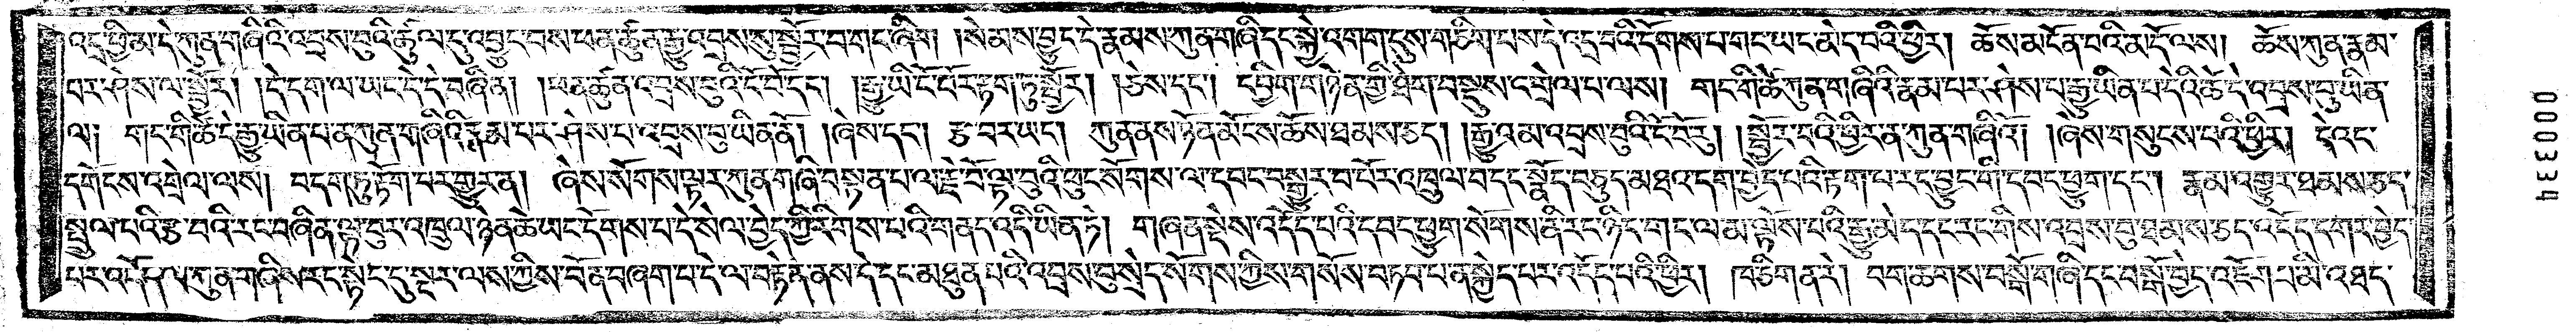འདྲི་ཕྱི་མ་དེ་ཀུན་གཞིའི་འབྲས་བུའི་ཚུལ་དུ་འབྱུང་བས་ཕན་ཚུན་རྒྱུ་འབྲས་སུ་སྦྱོར་བ་གང་ཞིག །སེམས་བྱུང་དེ་རྣམས་ཀུན་གཞི་དང་སྐྱེ་འགག་དུས་གཅིག་པས་དེ་འདྲ་པའི་དོགས་པ་གང་ཡང་མེད་པའི་ཕྱིར། ཆོས་མངོན་པའི་མདོ་ལས། ཆོས་ཀུན་རྣམ་
པར་ཤེས་ལ་སྦྱོར། །དེ་དག་ལ་ཡང་དེ་དེ་བཞིན། །ཕན་ཚུན་འབྲས་བུའི་ངོ་བོ་དང་། །རྒྱུ་ཡི་ངོ་བོར་རྟག་ཏུ་སྦྱོར། །ཅེས་དང་། དབྱིག་གཉེན་གྱི་ཐེག་བསྡུས་འགྲེལ་བ་ལས། གང་གི་ཚེ་ཀུན་གཞིའི་རྣམ་པར་ཤེས་པ་རྒྱུ་ཡིན་པ་དེའི་ཚེ་དེ་འབྲས་བུ་ཡིན་
ལ༑ གང་གི་ཚེ་དེ་རྒྱུ་ཡིན་པ་ན་ཀུན་གཞིའི་རྣམ་པར་ཤེས་པ་འབྲས་བུ་ཡིན་ནོ་།ཞེས་དང་། རྩ་བར་ཡང་། ཀུན་ནས་ཉོན་མོངས་ཆོས་ཐམས་ཅད། །རྒྱུ་འམ་འབྲས་བུའི་ངོ་བོརུ། །སྦྱོར་བའི་ཕྱིར་ན་ཀུན་གཞིའོ། །ཞེས་གསུངས་པའི་ཕྱིར། དེའང་
དགོངས་འགྲེལ་ལས། བདག་ཏུ་རྟོག་པར་གྱུར་ན། ཞེས་སོགས་ལྟར་ཀུན་གཞི་བསྟན་པ་ལ་རྗེ་བོ་ལྟ་བུའི་ཕུང་སོགས་ལ་དབང་བསྒྱུར་བ་པོར་འཁྲུལ་བདང་སྣོད་བཅུད་མཐའ་དག་བྱེད་པའི་རྟག་པར་འབྱུང་གི་དབང་ཕྱུག་དང་། རྣམ་འགྱུར་ཐམས་ཅད་
སྤྲུལ་པའི་རྩ་བའི་རང་བཞིན་ལྟ་བུར་འཁྲུལ་ཉེན་ཆེ་ཡང་དོགས་པ་དེ་སེལ་བྱེད་ཀྱི་རིགས་པའི་གནད་འདི་ཡིན་ཏེ། གཞན་སྡེས་འདོད་པའི་དབང་ཕྱུག་སོགས་ནི་རང་ཉིད་གང་ལ་མ་ལྟོས་པའི་རྒྱུ་མེད་དང་རང་གིས་འབྲས་བུ་ཐམས་ཅད་འདོད་དགར་བྱེད་
པར་འདོད་ལ་ཀུན་གཞིས་རང་སྟེང་དུ་སྔར་ལས་ཀྱིས་བོན་བཞག་པ་དེ་ལ་བརྟེན་ནས་དེ་དང་མཐུན་པའི་འབྲས་བུ་སྲེད་སོགས་ཀྱིས་གསོས་བཏབ་པ་ན་སྐྱེད་པར་འདོད་པའི་ཕྱིར། ཁ་ཅིག་ན་རེ། བག་ཆགས་བསྒོ་གཞི་དང་བསྒོ་བྱེད་འཇོག་པ་མི་འཐད་